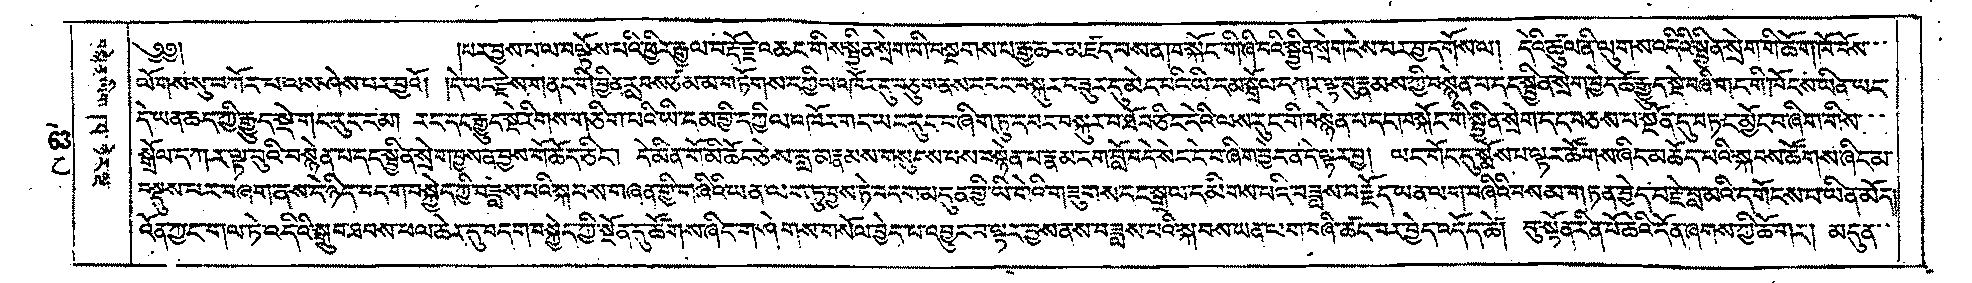༄༅། །པར་བྱས་པ་ལ་བལྟོས་པའི་ཕྱིར་རྒྱལ་བ་རྡོ་རྗེ་འཆང་གིས་སྦྱིན་སྲེག་གི་བསྔགས་པ་རྒྱ་ཆར་མཛད་པས་ན་ཁ་སྐོང་གི་ཞི་བའི་སྦྱིན་སྲེག་ངེས་པར་བྱ་དགོས་ལ། དེའི་ཚུལ་ནི་ལུགས་འདིའི་སྦྱིན་སྲེག་གི་ཆོ་ག་ཁོ་བོས་་་
ལོགས་སུ་བཀོད་པ་ལས་ཤེས་པར་བྱའོ། །དེ་ཡང་རྗེས་གནང་གི་བྱིན་རླབས་ཙམ་མ་གཏོགས་དཀྱིལ་འཁོར་དུ་བཅུག་ནས་དབང་བསྐུར་བཟུར་དུ་མེད་པའི་ཡི་དམ་སྒྲོལ་དཀར་ལྟ་བུ་རྣམས་ཀྱི་བསྙེན་པ་དང་སྦྱིན་སྲེག་བྱེད་ཚོ་རྒྱུད་སྡེ་བཞི་གང་གི་ཁོངས་ཡིན་ཡང་
དེ་ཡན་ཆད་ཀྱི་རྒྱུད་སྡེ་གང་རུང་ངམ། རང་དང་རྒྱུད་སྡེ་རིགས་གཅིག་པའི་ཡི་དམ་གྱི་དཀྱིལ་འཁོར་གང་ཡང་རུང་བ་ཞིག་ཏུ་དབང་བསྐུར་བ་ཐོབ་ཅིང་དེའི་ལས་རུང་གི་བསྙེན་པ་དང་ཁ་སྐོང་གི་སྦྱིན་སྲེག་དང་བཅས་པ་སྔོན་དུ་བཏང་མྱོང་བ་ཞིག་གིས་་་
སྒྲོལ་དཀར་ལྟ་བུའི་བསྙེན་པ་དང་སྦྱིན་སྲེག་བྱས་ན་བྱས་གོ་ཆོད་ཅིང་། དེ་མིན་གོ་མི་ཆོད་ཅེས་བླ་མ་རྣམས་གསུངས་པས་བསྙེན་པ་རྣམ་དག་བློ་བདེ་སེང་ངེ་བ་ཞིག་བྱེད་ན་དེ་ལྟར་བྱ། ཡང་གོང་དུ་སྨོས་པ་ལྟར་ཚོགས་ཞིང་མཆོད་པའི་སྐབས་ཚོགས་ཞིང་མ་
བསྡུས་པར་བཞག་ནས་དེ་ཉིད་བདག་བསྐྱེད་ཀྱི་བཟླས་པའི་སྐབས་གཞན་གྱི་གཞིའི་ཡན་ལག་ཏུ་བྱས་ཏེ་བདག་མདུན་གྱི་ཡི་གེའི་གཟུགས་དང་སྒྲ་ལ་དམིགས་པའི་བཟླས་བརྗོད་ཡན་ལག་བཞིའི་བསམ་གཏན་བྱེད་པ་རྗེ་བླ་མའི་དགོངས་པ་ཡིན་མོད།
འོན་ཀྱང་གལ་ཏེ་འདིའི་སྒྲུབ་ཐབས་ཕལ་ཆེར་དུ་བདག་བསྐྱེད་ཀྱི་སྔོན་དུ་ཚོགས་ཞིང་གཤེགས་གསོལ་བྱེད་པ་འབྱུང་བ་ལྟར་བྱས་ནས་བཟླས་པའི་སྐབས་ཡན་ལག་བཞི་ཚང་བར་བྱེད་འདོད་ཚེ། བུ་སྟོན་རིན་པོ་ཆེའི་དོན་ཞགས་ཀྱི་ཆོ་གར། མདུན་་་